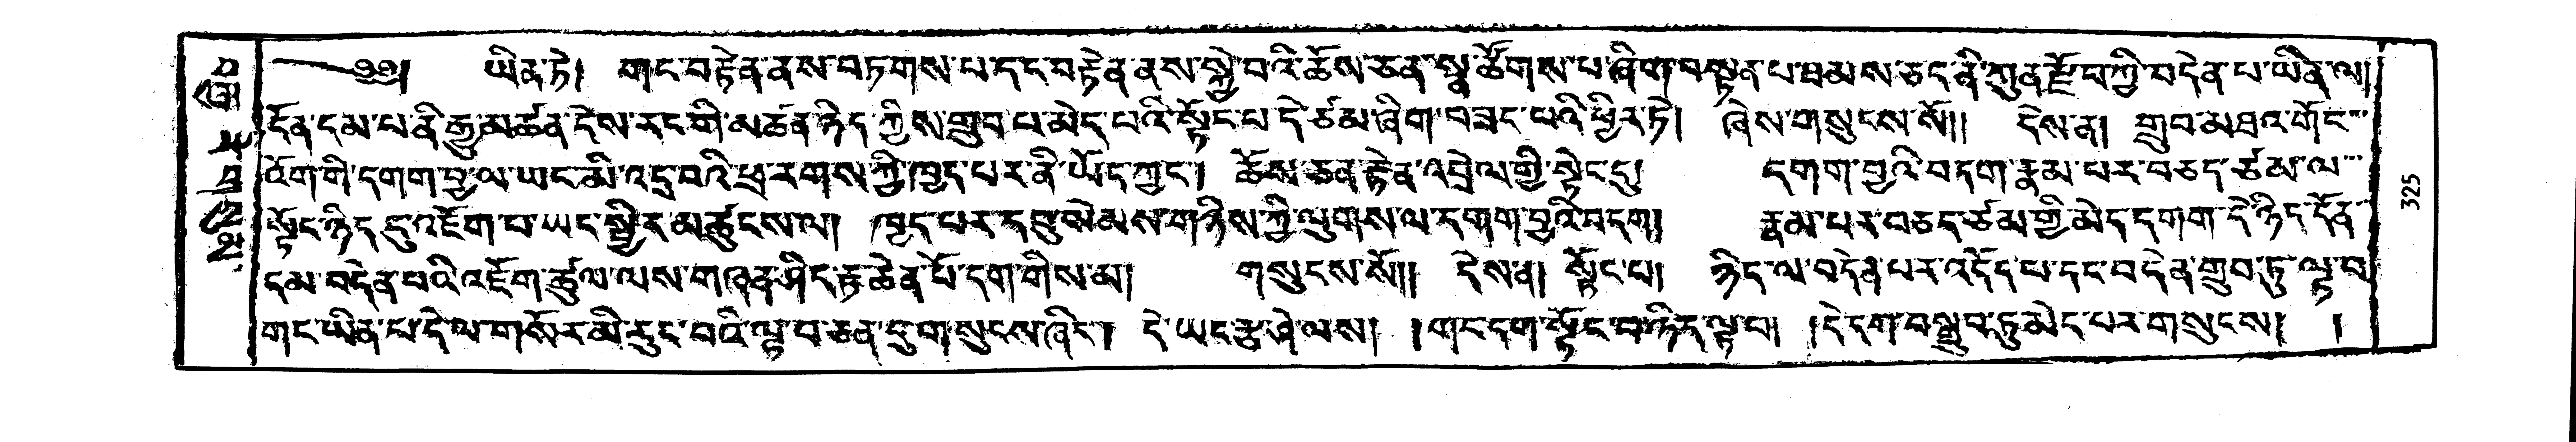༄༅། །ཡིན་ཏེ། གང་བརྟེན་ནས་བཏགས་པ་དང་བརྟེན་ནས་སྐྱེ་བའི་ཆོས་ཅན་སྣ་ཚོགས་པ་ཞིག་བསྟན་པ་ཐམས་ཅད་ནི་ཀུན་རྫོབ་ཀྱི་བདེན་པ་ཡིན་ལ།
དོན་དམ་པ་ནི་རྒྱུ་མཚན་དེས་རང་གི་མཚན་ཉིད་ཀྱིས་གྲུབ་པ་མེད་པའི་སྟོང་པ་དེ་ཙམ་ཞིག་བཟང་བའི་ཕྱིར་ཏེ། ཞེས་གསུངས་སོ། །དེས་ན། གྲུབ་མཐའ་གོང་
འོག་གི་དགག་བྱ་ལ་ཡང་མི་འདྲ་བའི་ཕྲ་རགས་ཀྱི་ཁྱད་པར་ནི་ཡོད་ཀྱང་། ཆོས་ཅན་རྟེན་འབྲེལ་གྱི་སྟེང་དུ། དགག་བྱའི་བདག་རྣམ་པར་བཅད་ཙམ་ལ་
སྟོང་ཉིད་དུ་འཇོག་པ་ཡང་སྤྱིར་མཚུངས་ལ། ཁྱད་པར་དབུ་སེམས་གཉིས་ཀྱི་ལུགས་ལ་དགག་བྱའི་བདག །རྣམ་པར་བཅད་ཙམ་གྱི་མེད་དགག་དེ་ཉིད་དོན་
དམ་བདེན་པའི་འཇོག་ཚུལ་ལས་གཞན་ཤིང་རྟ་ཆེན་པོ་དག་གིས་མ། གསུངས་སོ། །དེས་ན། སྟོང་པ། ཉིད་ལ་བདེན་པར་འདོད་པ་དང་བདེན་གྲུབ་ཏུ་ལྟ་བ་
གང་ཡིན་པ་དེ་ལ་གསོར་མི་རུང་བའི་ལྟ་བ་ཅན་དུ་གསུངས་ཞིང་། དེ་ཡང་རྩ་ཤེ་ལས། །གང་དག་སྟོང་བ་ཉིད་ལྟ་བ། །དེ་དག་བསྒྲུབ་ཏུ་མེད་པར་གསུངས། །